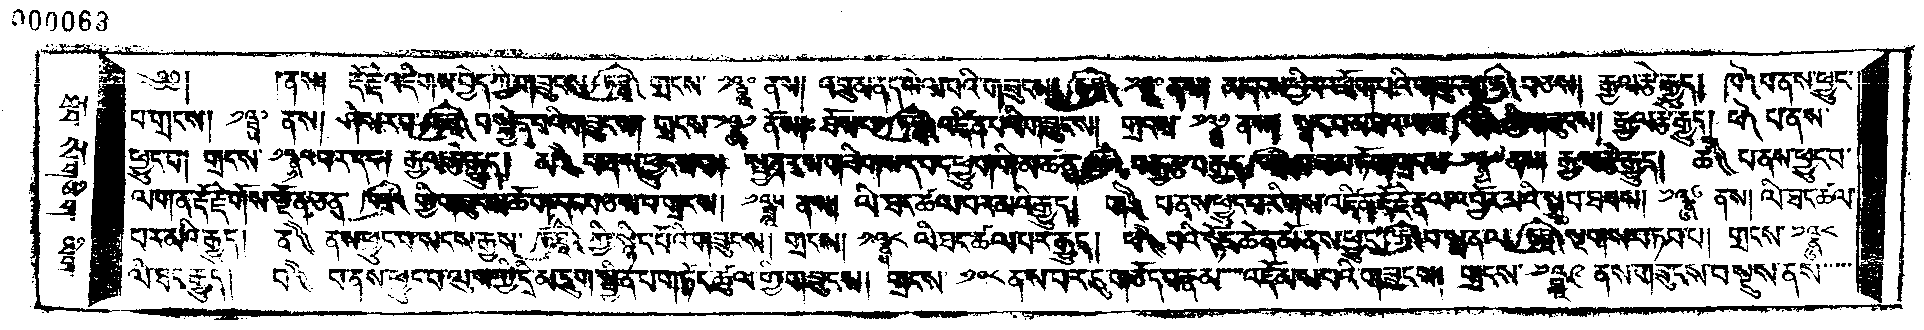༄༅། །ནས། རྡོ་རྗེ་འཇིགས་བྱེད་ཀྱི་གཟུངས་༼ཏ་ཊཿཨཱ༽་གྲངས ༡༢༠བ༣་ནས། འབྲུམ་ནད་སེལ་བའི་གཟུངས་༼ཏ་ཐཱ༽་༡༢༠བ༣་ནས། མ་དངས་ཕྱིར་འཕྲོག་པའི་གཟུངས་བཅས། རྒྱལ་རྩེ་རྒྱུད། ཁ་པ་ནས་ཕྱུང་
པ་གྲངས། ༡༢༠བ༥་ནས། ཤེས་རབ་༼ཏ་ཐཱ༽་བསྐྱེད་བའི་གཟུངས། གྲངས ༡༢༡ན༤?་ནོས། ཐོས་པ་༼ཏ་ཐཱ༽་འཛིན་པའི་གཟུངས། གྲངས ༡༢༡བ༥་ནས། སྣང་བ་མཐའ་ཡས ༼པདམ༽ ཀྱི་གཟུངས། རྒྱལ་རྩེ་རྒྱུད། ཕ་པ་ནས་
ཕྱུང་བ། གྲངས ༡༢༢ན༡་བར་དང་། རྒྱལ་རྩེ་རྒྱུད། མ༼༽ པ་ནས་ཕྱུངས་པ། སྤྱན་རས་གཟིགས་དབང་ཕྱུག་གི་མཚན་?་བརྒྱ་རྩ་བརྒྱད ༼པདམ༽ བ་ཟ་མ་ཏོག་གྲངས ༡༢༧ན༤་ནས། རྒྱལ་རྩེ་རྒྱུད། ཚ༼༽ པ་ནས་ཕྱུང་བ་
ལག་ན་རྡོ་རྗེ་གོས་སྔོན་ཅན་༼བཛྲ༽་གྱི་གཟུངས་ཆོག་དང་བཅས་པ་གྲངས། ༡༢༥བ༣་ནས། ལི་ཐང་ཚལ་བར་མའི་རྒྱུད། ག༼༽ པ་ནས་ཕྱུང་བ་རིགས་འཛིན་རྡོ་རྗེ་རྣལ་འབྱོར་མའི་སྒྲུབ་ཐབས། ༡༢༦ན༦་ནས། ལི་ཐང་ཚལ་
པར་མའི་རྒྱུད། ན༼༽ ནས་ཕྱུང་བ་སངས་རྒྱས་༼ཏ་ཐཱ༽་ཀྱི་སྙིང་པོའི་གཟུངས། གྲངས། ༡༢༨ན༥་ལི་ཐང་ཚལ་པར་རྒྱུད། ཕ༼༽ པའི་སྟོང་ཆེན་མོ་ནས་ཕྱུང་?་བ་སྨན་ལ་༼ཏ་ཐཱ༽་སྔགས་བཏབ་པ། གྲངས ༡༢༨ན༦
ལི་ཐང་རྒྱུད། བ༼༽ པ་ནས་ཕྱུང་བ་ལུས་ཀྱི་དྲི་མ་དྲུག་སྦྱིན་པ་གཏོང་ཚུལ་གྱི་གཟུངས། གྲངས ༡༠༨་ནས་བར་དུ་གཅོད་པ་རྣམ་འཇོམས་པའི་གཟུངས། གྲངས ༡༢༩བ༣་ནས་གཟུངས་བསྡུས་ནས་